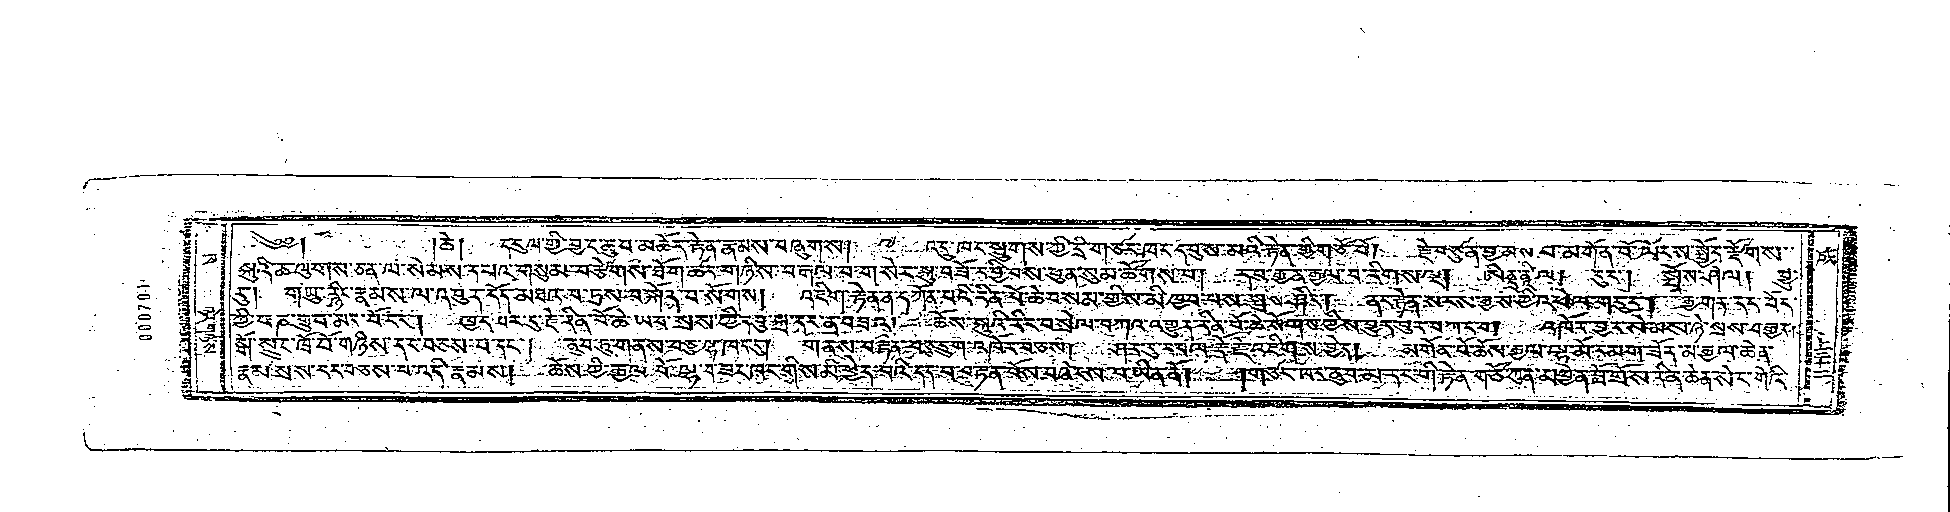༄༅། །??  དེ་ནས་བྱང་ཆུབ་མཆོད་རྟེན་རྣམས་བཞུགས། ༧་འདུ་ཁང་ཉུགས་ཀྱ་དྲ་གཙང་ཁང་དབུས་མའི་རྟེན་གྱི་གཙོ་བོ། རྗེ་བཙུན་བྱམས་པ་མགོན་བོ་ལོངས་སྤྱོད་རྫོགས་
སྐུའི་ཆ་ལུགས་ཅན་ལ་སེམས་དཔའ་གསུམ་བརྩེགས་ཐོག་ཚད་གཉིས་བརྒལ་བ་གསེར་སྐུ་བཟོ་དབྱིབས་ཕུན་སུམ་ཚོགས་པ། དབུ་རྒྱན་རྒྱལ་བ་རིགས་ལྔ། ཨིནྡྲ་ནཱི་ལ། དུང་། སྤོས་ཤེལ། བྱུ་
རུ། གཡུ་རྙིང་རྣམས་ལ་འབུར་དོད་མཐའ་པ་ཏྲས་བསྐོར་བ་སོགས། འཇིག་རྟེན་དཀོན་པའི་རིན་པོ་ཆེ་བསམ་གྱིས་མི་ཁྱབ་པས་སྤྲས་ཤིང་། ནང་རྟེན་སངས་རྒྱས་ཀྱི་འཕེལ་གདུང་། རྒྱ་གར་དང་བོད་
ཀྱི་པཎ་གྲུབ་མང་པོ་དང་། ཁྱད་པར་དུ་རྗེ་རིན་པོ་ཆེ་ཡབ་སྲས་ཀྱི་དབུ་སྐྲ་དང་ན་བཟའ། ཆོས་སྐུའི་རིང་བསྲེལ་བཀའ་འགྱུར་རིན་པོ་ཆེ་སོགས་ཀྱིས་བྱུར་བུར་བཀང་བ། འཁོར་བྱང་སེམས་ཉེ་སྲས་བརྒྱད།
སྒོ་སྲུང་ཁྲོ་བོ་གཉིས་དང་བཅས་པ་དང་། ནུབ་ཏུ་གནས་བཅུ་ལྷ་ཁང་དུ། གནས་བརྟན་བཅུ་དྲུག་འཁོར་བཅས། ཤར་དུ་དཔལ་རྡོ་རྗེ་འཇིགས་བྱེད། མགོན་པོ་ཆོས་རྒྱལ་ལྷ་མོ་དམག་ཟོར་མ་རྒྱལ་ཆེན་
རྣམ་སྲས་དང་བཅས་པ་འདི་རྣམས། ཆོས་ཀྱི་རྒྱལ་པོ་ལྷ་བཟང་ཁང་གིས་མི་ཕྱེད་པའི་དད་པ་བརྟན་པོས་བཞེངས་པ་ཡིན་ནོ། །གཙང་ཁང་ནུབ་མ་རང་གི་རྟེན་གཙོ་ཀུན་མཁྱེན་བློ་གྲོས་རིན་ཆེན་སེང་གེའི་